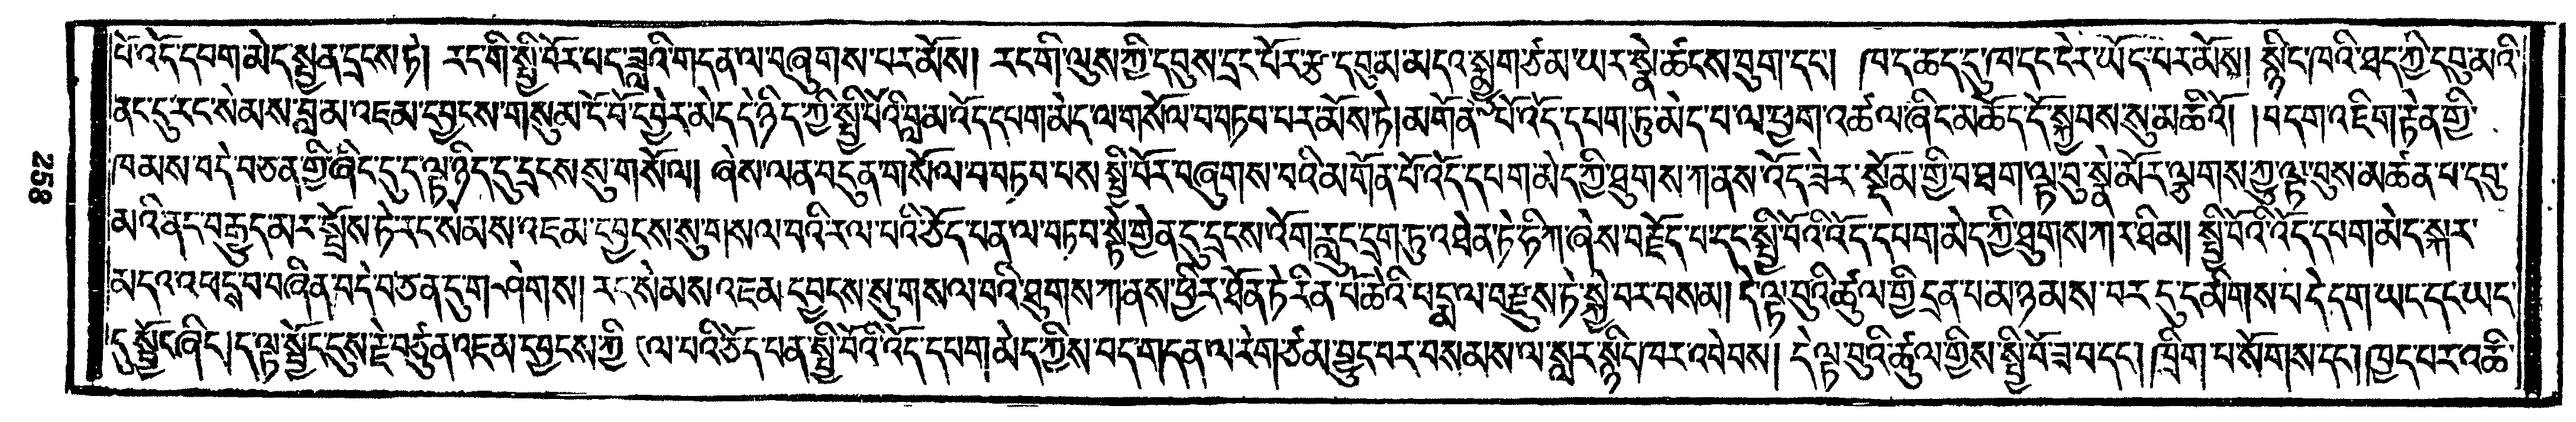པོ་འོད་དཔག་མེད་སྤྱན་དྲངས་ཏེ། རང་གི་སྤྱི་བོར་པད་ཟླའི་གདན་ལ་བཞུགས་པར་མོས། རང་གི་ལུས་ཀྱི་དབུས་དྲང་པོར་རྩ་དབུ་མ་མདའ་སྨྱག་ཙམ་ཡར་སྣེ་ཚངས་བུག་དང་། ཁ་ད་ཆད་དུ་ཁ་དང་ངེར་ཡོད་པར་མོས། སྙིང་ཁའི་ཐད་ཀྱི་དབུ་མའི་
ནང་དུ་རང་སེམས་བླ་མ་འཇམ་དབྱངས་གསུམ་ངོ་བོ་དབྱེར་མེད་དེ་ཉིད་ཀྱི་སྤྱི་པོའི་བླ་མ་འོད་དཔག་མེད་ལ་གསོལ་བ་བཏབ་པར་མོས་ཏེ། མགོན་པོ་འོད་དཔག་ཏུ་མེད་པ་ལ་ཕྱག་འཚལ་ཞིང་མཆོད་དོ་སྐྱབས་སུ་མཆིའོ། །བདག་འཇིག་རྟེན་གྱི་
ཁམས་བདེ་བ་ཅན་གྱི་ཞིང་དུ་ད་ལྟ་ཉིད་དུ་དྲངས་སུ་གསོལ། ཞེས་ལན་བདུན་གསོལ་བ་བཏབ་པས་སྤྱི་བོར་བཞུགས་བའི་མགོན་པོ་འོད་དཔག་མེད་ཀྱི་ཐུགས་ཀ་ནས་འོད་ཟེར་སྔོམ་གྱི་བ་ཐག་ལྟ་བུ་སྣེ་མོར་ལྕགས་ཀྱུ་ལྟ་བུས་མཚན་པ་དབུ་
མའི་ནང་བརྒྱུད་མར་སྤྲོས་ཏེ་རང་སེམས་འཇམ་དབྱངས་སུ་གསལ་བའི་རལ་པའི་ཅོད་པན་ལ་བཏབ་སྟེ་གྱེན་དུ་དྲངས་འོག་རླུང་དྲག་ཏུ་འཐེན་ཏེ་ཧི་ཀ་ཞེས་བརྗོད་པ་དང་སྤྱི་བོའི་འོད་དཔག་མེད་ཀྱི་ཐུགས་ཀར་ཐིམ། སྤྱི་བོའི་འོད་དཔག་མེད་སྐར་
མདའ་འཕངས་བ་བཞིན་བདེ་བ་ཅན་དུ་གཤེགས། རང་སེམས་འཇམ་དབྱངས་སུ་གསལ་བའི་ཐུགས་ཀ་ནས་ཕྱིར་ཐོན་ཏེ་རིན་པོ་ཆེའི་པདམ་ལ་བརྫུན་ཏེ་སྐྱེ་བར་བསམ། དེ་ལྟ་བུའི་ཚུལ་གྱི་དྲན་པ་མ་ཉམས་བར་དུ་དམིགས་པ་དེ་དག་ཡང་དང་ཡང་
དུ་སྦྱོང་ཞིང་། ད་ལྟ་སྦྱོད་དུས་རྗེ་བཙུན་འཇམ་དབྱངས་ཀྱི་རལ་པའི་ཅོད་པན་སྦྱི་བོའི་འོད་དཔག་མེད་ཀྱིས་བད་གདན་ལ་རེག་ཙམ་བྱུང་བར་བསམས་ལ་སླར་སྙིང་ཁར་འབེབས། དེ་ལྟ་བུའི་ཚུལ་གྱིས་སྤྱི་བོ་ཟ་བ་དང་། ཁྲིག་པ་སོགས་དང་། ཁྱད་པར་འཆི་